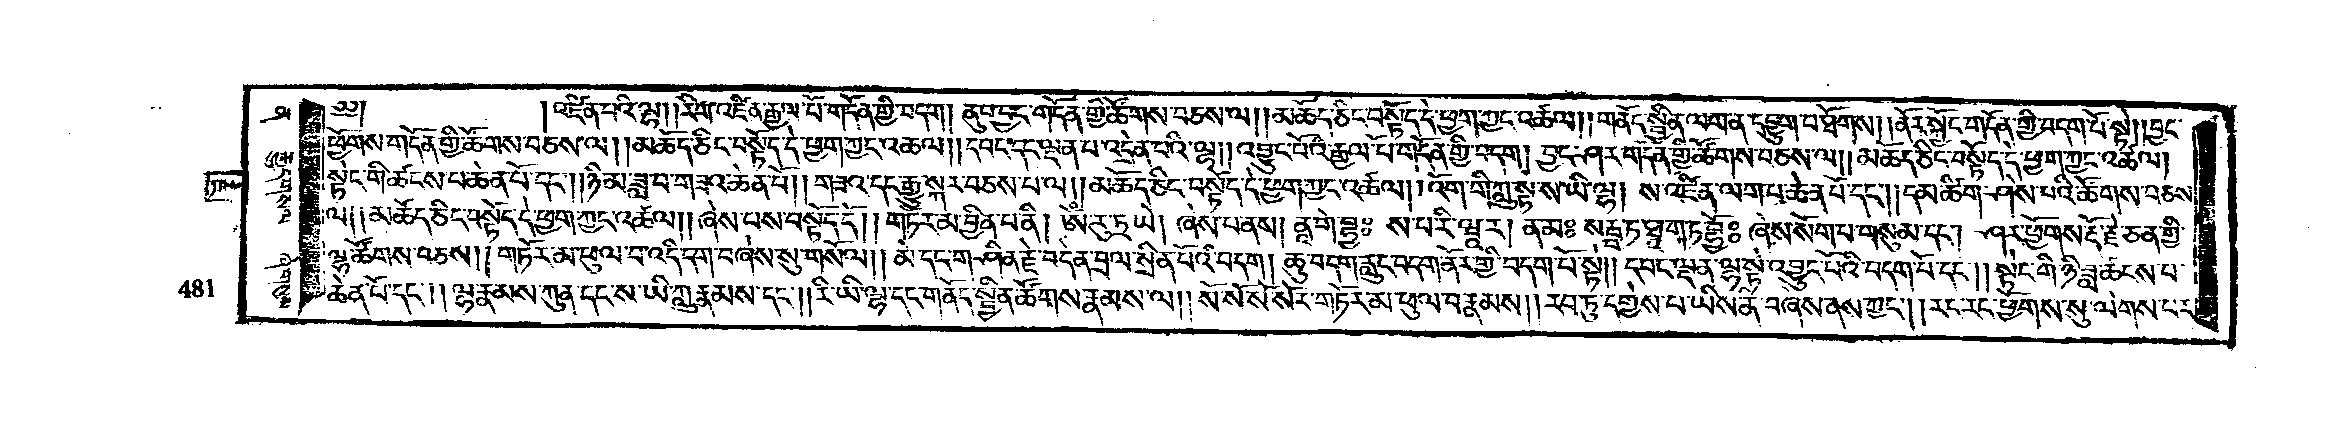༄༅། །འཛིན་པའི་ལྷ། །རིག་འཛིན་རྒྱལ་པོ་གདོན་གྱི་བདག །ནུབ་བྱང་གདོན་གྱི་ཚོགས་བཅས་ལ། །མཆོད་ཅིང་བསྟོད་དེ་ཕྱག་ཀྱང་འཚལ། །གནོད་སྦྱིན་ལག་ན་དབྱུག་པ་ཐོགས། །ནོར་སྐྱོང་གདོན་གྱི་བདག་པོ་སྟེ། །བྱང་
ཕྱོགས་གདོན་གྱི་ཚོགས་བཅས་ལ། །མཆོད་ཅིང་བསྟོད་དེ་ཕྱག་ཀྱང་འཚལ། །དབང་དང་ལྡན་པ་འདྲེན་པའི་ལྷ། །འབྱུང་པོའི་རྒྱལ་པོ་གདོན་གྱི་བདག །བྱང་ཤར་གདོན་གྱི་ཚོགས་བཅས་ལ། །མཆོད་ཅིང་བསྟོད་དེ་ཕྱག་ཀྱང་འཚལ།
སྟེང་གི་ཚངས་པ་ཆེན་པོ་དང་། །ཉི་མ་ཟླ་བ་གཟའ་ཆེན་པོ། །གཟའ་དང་རྒྱུ་སྐར་བཅས་པ་ལ། །མཆོད་ཅིང་བསྟོད་དེ་ཕྱག་ཀྱང་འཚལ། །འོག་གི་ཀླུ་སྟེ་ས་ཡི་ལྷ། ས་འཛིན་ལག་པ་ཆེན་པོ་དང་། །དམ་ཚིག་ཤེས་པའི་ཚོགས་བཅས་
ལ། །མཆོད་ཅིང་བསྟོད་དེ་ཕྱག་ཀྱང་འཚལ། །ཞེས་པས་བསྟོད་དོ། །གཏོར་མ་བྱིན་པ་ནི། ཨོཾ་རུ་ཏྲ་ཡེ། ཞེས་པ་ནས། ནཱ་གེ་བྷྱ་H ས་པ་རི་ཝཱ་ར། ན་མཿ སརྦྦ་ཏ་ཐཱ་ག་ཏ་བྷྱོཿ ཞེས་སོག་པ་གསུམ་དང་། ཤར་ཕྱོགས་རྡོ་རྗེ་ཅན་གྱི་
ལྷ་ཚོགས་བཅས། །གཏོར་མ་ཕུལ་བ་འདི་དག་བཞེས་སུ་གསོལ། །མེ་དང་གཤེན་རྗེ་བདེན་བྲལ་སྲིན་པོའི་བདག །ཆུ་བདག་རླུང་བདག་ནོར་གྱི་བདག་པོ་སྟེ། །དབང་ལྡན་ལྷ་སྟེ་འབྱུང་པོའི་བདག་པོ་དང་། །སྟེང་གི་ཉི་ཟླ་ཚངས་པ་
ཆེན་པོ་དང་། །ལྷ་རྣམས་ཀུན་དང་ས་ཡི་ཀླུ་རྣམས་དང་། །རི་ཡི་ལྷ་དང་གནོད་སྦྱིན་ཚོགས་རྣམས་ལ། །སོ་སོ་སོ་སོར་གཏོར་མ་ཕུལ་བ་རྣམས། །རབ་ཏུ་དགྱེས་པ་ཡིས་ནི་བཞེས་ནས་ཀྱང་། །རང་རང་ཕྱོགས་སུ་ལེགས་པར་